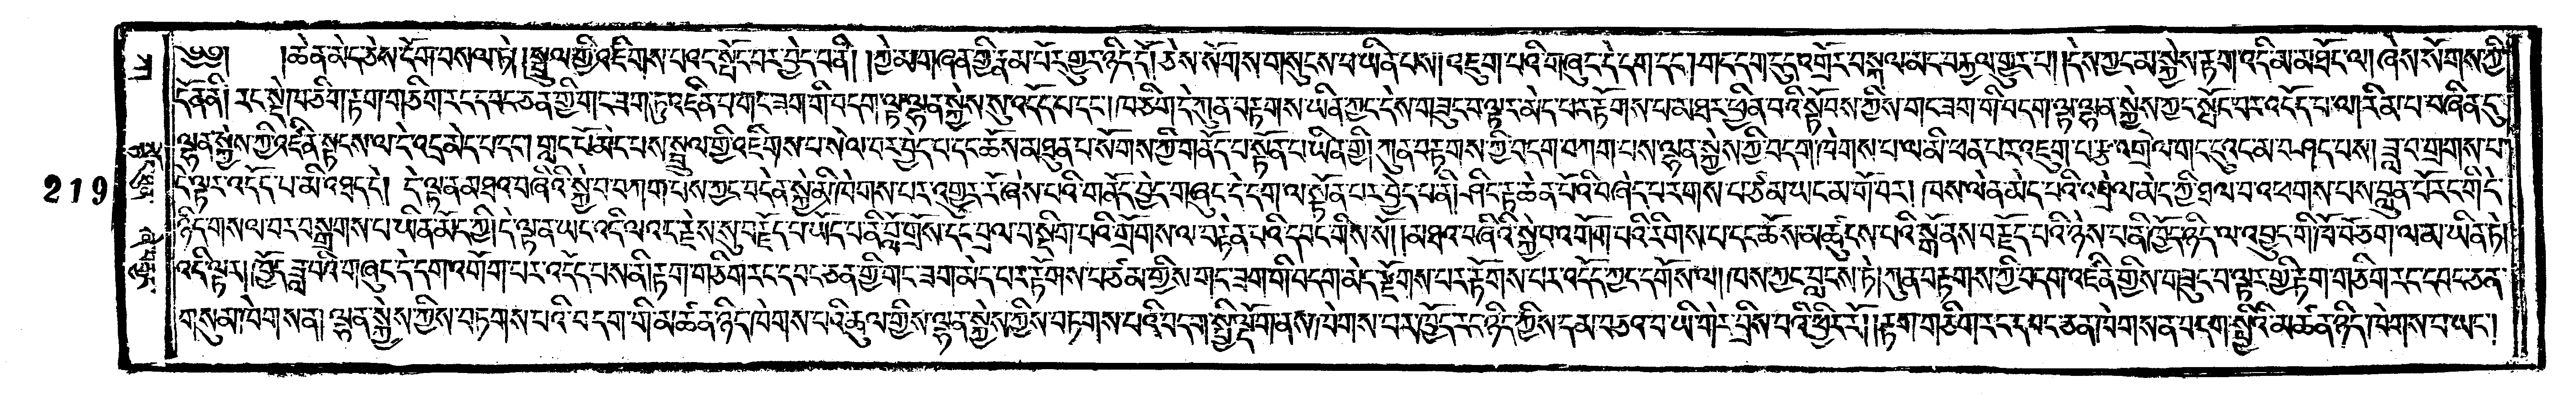༄༅། །ཆེན་མེད་ཅེས་དོག་བསལ་ཏེ། །སྦྲུལ་གྱི་འཇིགས་པའང་སྤོང་བར་བྱེད་བ་ནི། །ཀྱེ་མ་གཞན་གྱི་རྣམ་པོར་གྱུར་ཉིད་དོ། ཅེས་སོགས་གསུངས་པ་ཡིན་པས། འཇུག་པའི་གཞུང་དེ་དག་དང་། གང་དག་དུད་འགྲོར་བསྐལ་མང་བརྐྱལ་གྱུར་པ། །དེས་ཀྱང་མ་སྐྱེས་རྟག་འདི་མ་མཐོང་ལ། ཞེས་སོགས་ཀྱི་
དོན་ནི། རང་སྡེ་ཁ་ཅིག་རྟག་གཅིག་རང་དབང་ཅན་གྱི་གང་ཟག་ཏུ་འཛིན་པ་གང་ཟག་གི་བདག་ལྟ་ལྷན་སྐྱེས་སུ་འདོད་པ་དང་། ཁ་ཅིག་དེ་ཀུན་བརྟགས་ཡིན་ཀྱང་དེས་གཟུང་བ་ལྟར་མེད་པར་རྟོགས་པ་མཐར་ཕྱིན་པའི་སྟོབས་ཀྱིས་གང་ཟག་གི་བདག་ལྟ་ལྷན་སྐྱེས་ཀྱང་སྤོང་བར་འདོད་པ་ལ། རིམ་པ་བཞིན་དུ་
ལྷན་སྐྱེས་ཀྱི་འཛིན་སྟངས་ལ་དེ་འདྲ་མེད་པ་དང་། གླང་པོ་མེད་པས་སྦྲུལ་གྱི་འཇིགས་པ་སེལ་བར་བྱེད་པ་དང་ཆོས་མཐུན་པ་སོགས་ཀྱི་གནོད་པ་སྟོན་པ་ཡིན་གྱི། ཀུན་བརྟགས་ཀྱི་བདག་བཀག་པས་ལྷན་སྐྱེས་ཀྱི་བདག་ཁེགས་པ་ལ་མི་ཕན་པར་འཇུག་པ་རྩ་འགྲེལ་གང་དུའང་མ་བཤད་པས། ཟླ་བ་གྲགས་པ་
དེ་ལྟར་འདོད་པ་མི་འཐད་དེ། དེ་ལྟ་ན་མཐའ་བཞིའི་སྐྱེ་བ་བཀག་པས་ཀྱང་བདེན་སྐྱེ་མི་ཁེགས་པར་འགྱུར་རོ་ཞེས་པའི་གནོད་བྱེད་གཞུང་དེ་དག་ལ་སྟོན་པར་བྱེད་པ་ནི། ཤིང་རྟ་ཆེན་པོའི་བཞེད་པ་རགས་པ་ཙམ་ཡང་མ་གོ་བར། ཁས་ལེན་མེད་པའི་འབྲེལ་མེད་ཀྱི་ཐལ་བ་འཕགས་པས་བླུན་པོ་རང་གི་དེ་
ཉིད་གསལ་བར་བསྒྲགས་པ་ཡིན་མོད་ཀྱི། དེ་ལྟ་ན་ཡང་འདི་ལའང་རྗེས་སུ་བརྗོད་པ་ཡོད་པ་ནི་བློ་གྲོས་དང་བྲལ་བ་སྡིག་པའི་གྲོགས་ལ་བརྟེན་པའི་དབང་གིས་སོ། །མཐའ་བཞིའི་སྐྱེ་བ་འགོག་པའི་རིགས་པ་དང་ཆོས་མཚུངས་པའི་སྒོ་ནས་བརྗོད་པའི་ཉེས་པ་ནི་ཁྱོད་ཉིད་ལ་འབྱུང་གི་ཁོ་བོ་ཅག་ལ་མ་ཡིན་ཏེ།
འདི་ལྟར། ཁྱོད་ཟླ་བའི་གཞུང་དེ་དག་འགོག་པར་འདོད་པས་ནི། རྟག་གཅིག་རང་དབང་ཅན་གྱི་གང་ཟག་མེད་པར་རྟོགས་པ་ཙམ་གྱིས་གང་ཟག་གི་བདག་མེད་རྫོགས་པར་རྟོགས་པར་འདོད་ཀྱང་དགོས་ལ། ཁས་ཀྱང་བླངས་ཏེ། ཀུན་རྟགས་ཀྱི་བདག་འཛིན་གྱིས་གཟུང་བ་ལྟར་གྱི་རྟག་གཅིག་རང་དབང་ཅན་
གསུམ་ཁེགས་ན། ལྷན་སྐྱེས་ཀྱིས་བཏགས་པའི་བདག་གི་མཚན་ཉིད་ཁེགས་པའི་ཚུལ་གྱིས་ལྷན་སྐྱེས་ཀྱིས་བཏགས་པའི་བདག་སྤྱི་ལྡོག་ནས་ཁེགས་པར་ཁྱོད་རང་ཉིད་ཀྱིས་དམ་བཅའ་བ་ཡི་གེར་བྲིས་བའི་ཕྱིར་རོ། །རྟག་གཅིག་རང་དབང་ཅན་ཁེགས་ན་བདག་སྤྱིའི་མཚན་ཉིད་ཁེགས་པ་ཡང་།